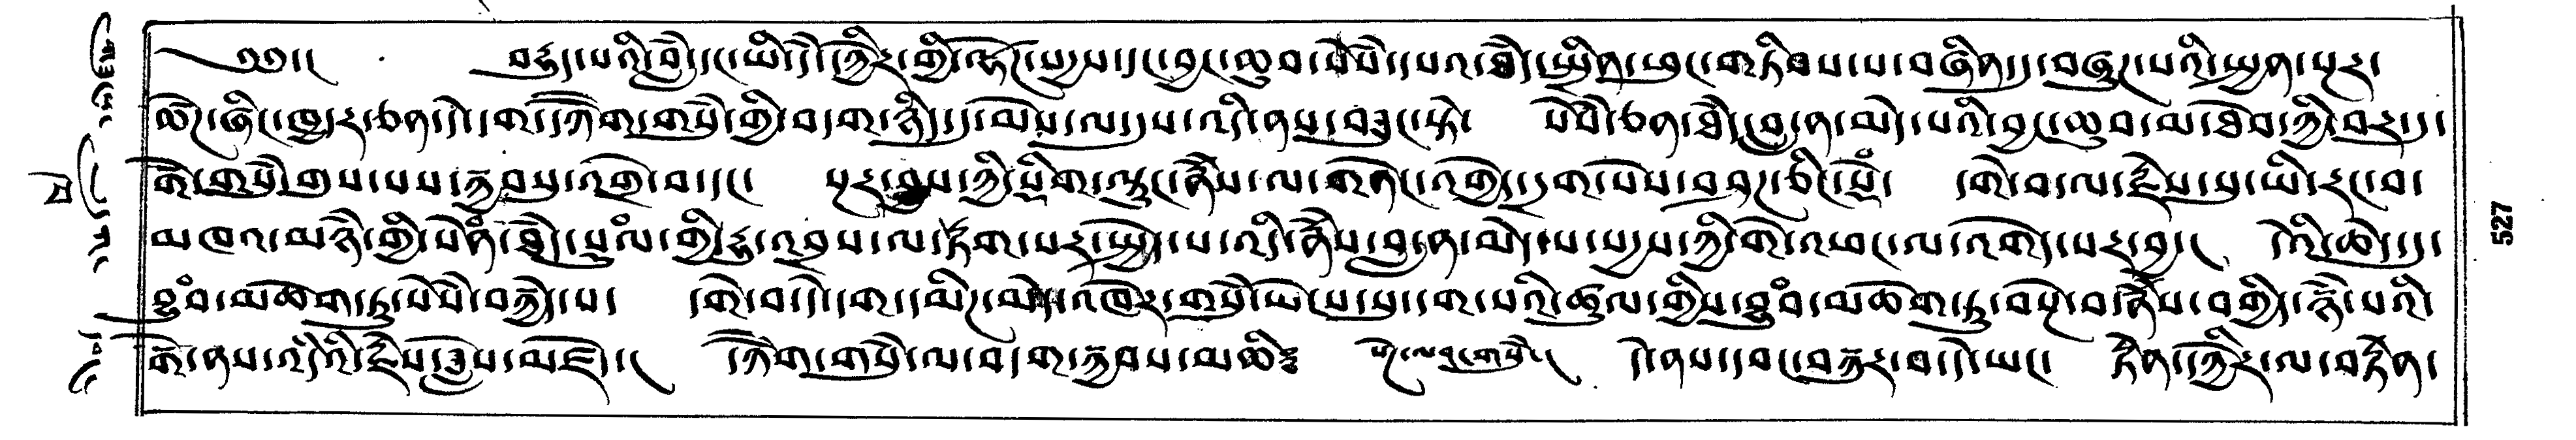བརྒྱུད་པའི་བླ་མ་དང་ཡི་དམ་དཀྱིལ་འཁོར་གྱི་ལྷ་ཚོགས་སངས་རྒྱས་དང་བྱང་ཆུབ་སེམས་དཔའ་ཐམས་ཅད་སྤྲིན་ཕུང་གཏིབས་པ་བཞིན་དུ་བཞུགས་པའི་སྤྱན་སྔར་
ཚོགས་ཞིང་ཁྱད་པར་ཅན་དེ་དག་དཀོན་མཆོག་གསུམ་གྱི་བདག་ཉིད་དུ་མོས་ལ་དུས་འདི་ནས་བཟུང་སྟེ།སེམས་ཅན་ཐམས་ཅད་བླ་ན་མེད་པའི་བྱང་ཆུབ་མ་ཐོབ་ཀྱི་བར་དུ་
སྒོ་གསུམ་གུས་པས་སྐྱབས་སུ་འགྲོ་བ་དང་། སྔར་བྱས་ཀྱི་སྡིག་ལྟུང་རྣམས་ལ་གནོང་འགྱོད་དྲག་པོས་བཤགས་ཤིང་སྡོམ། དགེ་བ་ལ་རྗེས་སུ་ཡི་རང་བ་
མཁའ་མཉམ་གྱི་སེམས་ཅན་ཐམས་ཅད་སྡུག་བསྔལ་གྱི་རྒྱུ་འབྲས་ལ་རྟག་པར་སྤྱོད་པ་འདི་རྣམས་བླ་ན་མེད་པ་སངས་རྒྱས་ཀྱི་གོ་འཕང་ལ་འགོད་པར་བྱ། དེའི་ཆེད་དུ་
བྱང་ཆུབ་མཆོག་ཏུ་སེམས་བསྐྱེད་པ། དགེ་བ་དེ་དག་དམིགས་མེད་འཁོར་གསུམ་ཡོངས་སུ་དག་པའི་ཚུལ་གྱིས་བྱང་ཆུབ་མཆོག་ཏུ་བསྔོ་བ་རྣམས་བགྱིད་སྙམ་པའི་
སྒོ་ནས་འདིའི་རྗེས་ཟློས་མཛོད། དཀོན་མཆོག་གསུམ་ལ་བདག་སྐྱབས་མཆི༔ སོགས་ལན་གསུམ། དེ་ནས་དབང་བསྐུར་བ་དེ་ཡང་། རྟེན་དཀྱིལ་འཁོར་ལ་བརྟེན་